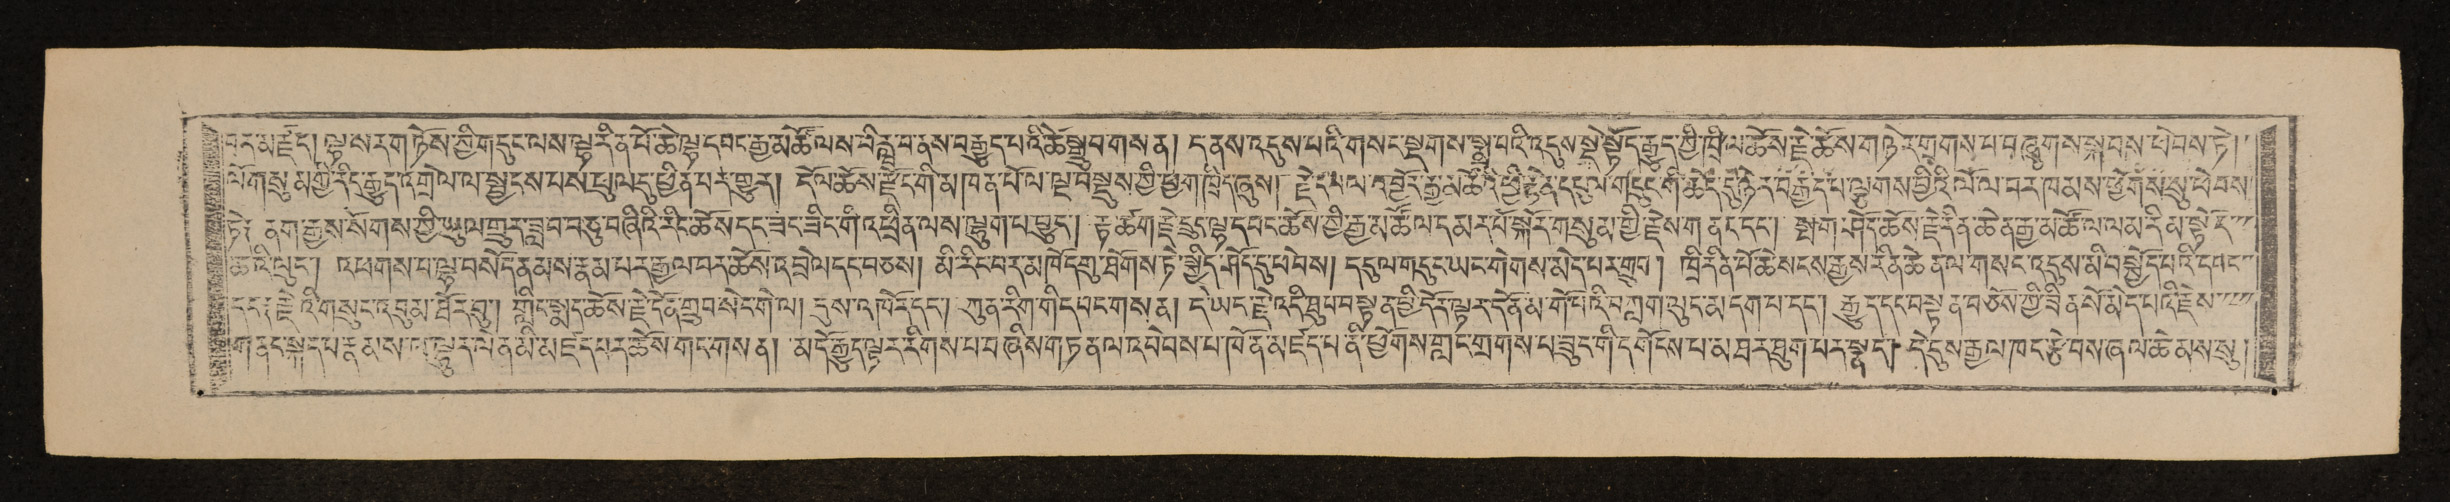བར་མཛད། ལྷ་སར་གཉོས་ཀྱི་གདུང་ལས་ལྷ་རིན་པོ་ཆེ་ལྷ་དབང་རྒྱ་མཚོ་ལས་བིརྭ་བ་ནས་བརྒྱུད་པའི་ཚེ་སྒྲུབ་གསན། ད་ནས་འདུས་པའི་གསང་སྔགས་སྨྲ་བའི་འདུས་སྡེ་སྟོད་རྒྱུད་ཀྱི་ཁྲི་ལ་ཆོས་རྗེ་ཆོས་གཉེར་གྲགས་པ་བཞུགས་སྐབས་ཕེབས་ཏེ།
ལོ་གསུམ་གྱི་རིང་རྒྱུད་འགྲེལ་ལ་སྦྱངས་པས་ཕུལ་དུ་ཕྱིན་པར་གྱུར། དོལ་ཆོས་རྫོང་གི་མཁན་པོ་ལ་ལྔ་བསྡུས་ཀྱི་ཕྱག་ཁྲིད་ཞུས། རྗེ་དཔལ་འབྱོར་རྒྱ་མཚོའི་ཕྱི་རྟེན་དངུལ་གདུང་གི་ཆེད་དུ་ཉེར་བརྒྱད་པ་ལྕགས་བྱིའི་ལོ་ལ་བར་ཁམས་ཕྱོགས་སུ་ཕེབས་
ཏེ༑ ནག་རྒྱས་སོགས་ཀྱི་ཡུལ་གྲུར་ཟླ་བ་བཅུ་བཞིའི་རིང་ཆོས་དང་ཟང་ཟིང་གི་འཕྲིན་ལས་ལྷུག་པ་བྱུང་། རྟ་ཚག་རྗེ་དྲུང་ལྷ་དབང་ཆོས་ཀྱི་རྒྱ་མཚོ་ལ་དམར་པོ་སྐོར་གསུམ་གྱི་རྗེས་གནང་དང་། སྤག་ཤོད་ཆོས་རྗེ་རིན་ཆེན་རྒྱ་མཚོ་ལ་ལམ་རིམ་སྟོད་
ཆའི་ལུང་། འཕགས་པ་ལྷ་བསོད་ནམས་རྣམ་པར་རྒྱལ་བར་ཆོས་འབྲེལ་དང་བཅས། མི་རིང་བར་མཁོ་དགུ་ཐོགས་ཏེ་སྐྱིད་ཤོད་དུ་ཕེབས། དངུལ་གདུང་ཡང་གེགས་མེད་པར་གྲུབ། ཁྲི་རིན་པོ་ཆེ་སངས་རྒྱས་རིན་ཆེན་ལ་གསང་འདུས་མི་བསྐྱོད་པའི་དབང་
དང༑ རྗེའི་གསུང་འབུམ་ཐོར་བུ། གླིང་སྨད་ཆོས་རྗེ་དོན་གྲུབ་སེང་གེ་ལ། དུས་འཁོར་དང་། ཀུན་རིག་གི་དབང་གསན། དེ་ཡང་རྗེ་འདི་ཐུབ་བསྟན་བྱི་དོར་ལྟར་དོན་མ་གོ་བའི་བཀླག་ལུང་མ་དག་པ་དང་། རྒྱུད་དང་བསྟན་བཅོས་ཀྱི་ཟིན་སོ་མེད་པའི་རྗེས་
གནང་སྐད་པ་རྣམས་ལ་ལྷུར་ལེན་མི་མཛད་པར་ཆོས་གང་གསན། མདོ་རྒྱུད་ལྟར་རིགས་པ་བཞིས་གཏན་ལ་འབེབས་པ་ཁོ་ན་མཛད་པ་ནི་ཕྱོགས་གླང་གྲགས་པ་ཟུང་གི་དགོངས་པ་མཐར་ཐུག་པར་སྣང་། དེ་དུས་རྒྱལ་ཁང་རྩེ་བས་ཞལ་ཆེམས་སུ།